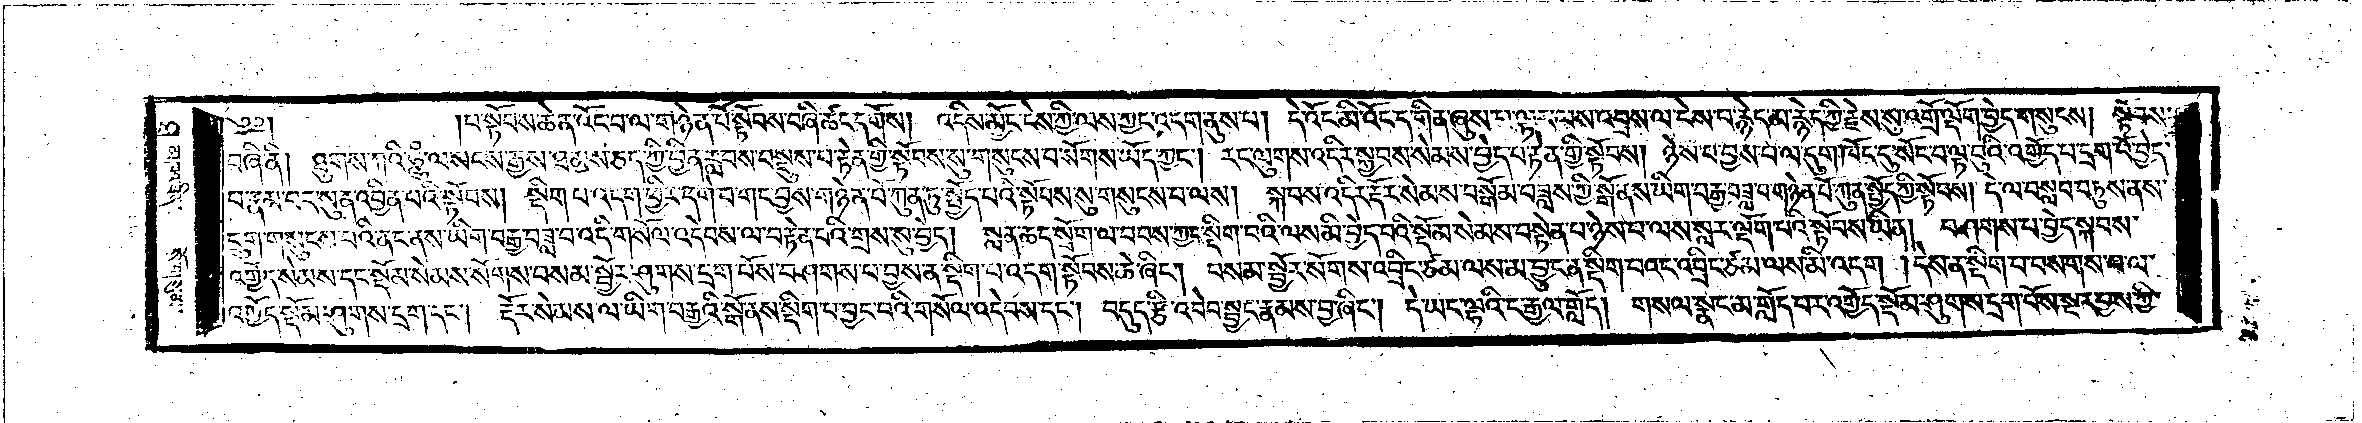༄༅། །པ་སྟོབས་ཆེན་འོང་བ་ལ་གཉེན་པོ་སྟོབས་བཞི་ཚང་དགོས། འདིས་མྱོང་ངེས་ཀྱི་ལས་ཀྱང་འདག་ནུས་པ། དེ་འོང་མི་འོང་ད་གིན་ཞུས་པ་ལྟར་ལས་འབྲས་ལ་ངེས་བ་རྙེད་མ་རྙེད་ཀྱི་རྗེས་སུ་འགྲོ་ལྡོག་བྱེད་གསུངས། སྟོབས་
བཞི་ནི། ཐུགས་ཀའི་ཧཱུཾ་ལ་སངས་རྒྱས་ཐམས་ཅད་ཀྱི་བྱིན་རླབས་བསྡུས་པ་རྟེན་གྱི་སྟོབས་སུ་གསུངས་པ་སོགས་ཡོད་ཀྱང་། རང་ལུགས་འདིར་སྐྱབས་སེམས་བྱེད་པ་རྟེན་གྱི་སྟོབས། ཉེས་པ་བྱས་པ་ལ་དུག་ཁོང་དུ་སོང་བ་ལྟ་བུའི་འགྱོད་པ་དྲག་པོ་བྱེད་
པ་རྣམ་བར་སུན་འབྱིན་པའི་སྟོབས། སྡིག་པ་འདག་ཕྱིར་དགེ་བ་གང་བྱས་གཉེན་པོ་ཀུན་ཏུ་སྤྱོད་པའི་སྟོབས་སུ་གསུངས་པ་ལས། སྐབས་འདིར་རྡོར་སེམས་བསྒོམ་བཟླས་ཀྱི་སྒོ་ནས་ཡིག་བརྒྱ་བཟླ་བ་གཉེན་པོ་ཀུན་སྤྱོད་ཀྱི་སྟོབས། དེ་ལ་བསླབ་བཏུས་ནས་
དྲུག་གསུངས་པའི་ནང་ནས་ཡིག་བརྒྱ་བཟླ་བ་འདི་གསོལ་འདེབས་ལ་བརྟེན་པའི་གྲས་སུ་བྱེད། སླན་ཆད་སྲོག་ལ་བབས་ཀྱང་སྡིག་པའི་ལས་མི་བྱེད་པའི་སྡོམ་སེམས་བསྟེན་པ་ཉེས་བ་ལས་སླར་ལྡོག་པའི་སྟོབས་ཡིན། བཤགས་པ་བྱེད་སྐབས་
འགྱོད་སེམས་དང་སྡོམ་སེམས་སོགས་བསམ་སྦྱོར་ཤུགས་དྲག་པོས་བཤགས་པ་བྱས་ན་སྡིག་པ་འདག་སྟོབས་ཆེ་ཞིང་། བསམ་སྦྱོར་སོགས་འབྲིང་ཙམ་ལས་མ་བྱུང་ན་སྡིག་པའང་འབྲིང་ཙམ་ལས་མི་འདག །དེས་ན་སྡིག་པ་བསགས་པ་ལ་
འགྱོད་སྡོམ་ཤུགས་དྲག་དང་། རྡོར་སེམས་ལ་ཡིག་བརྒྱའི་སྒོ་ནས་སྡིག་པ་བྱང་བའི་གསོལ་འདེབས་དང་། བདུད་རྩི་འབེབ་སྦྱང་རྣམས་བྱ་ཞིང་། དེ་ཡང་ལྷའི་ང་རྒྱལ་གློད། གསལ་སྣང་མ་གློད་པར་འགྱོད་སྡོམ་ཤུགས་དྲག་པོས་སྔར་བྱས་ཀྱི་